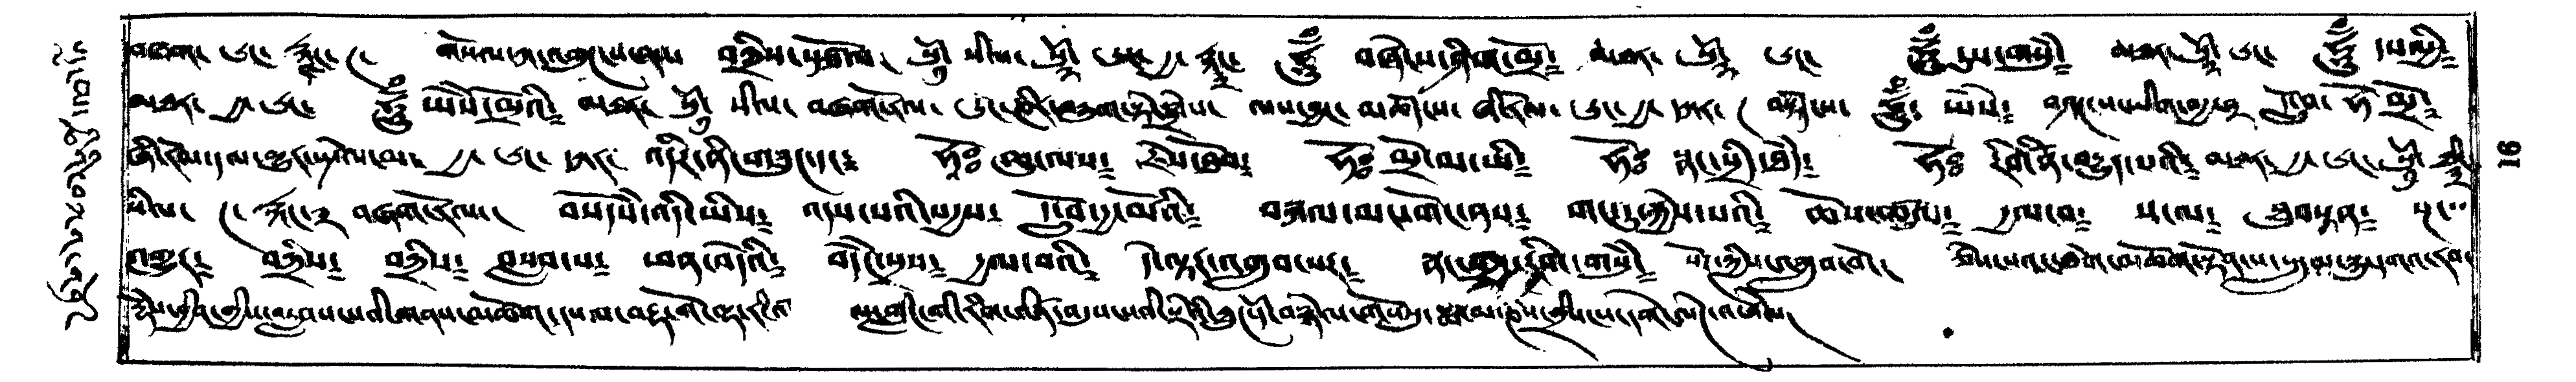བཞག དུང་། རྐང་བཞི་ཌཱ། གསོལ་ཀ་འགུགས་པ་ནས་བཀྲ་ཤིས་རྩོལ། སུམ་གཅིག སིལ་སུམ་གཉིས། དུང་རྒྱ། རྐང་གསུམ། ཧཱུྃཿ བཞེངས་ཤིག་མཁའ་འགྲོ༴ མཐར་སུམ་གཉིས། དུང་། ཧཱུྃཿ དུས་གསུམ༴ ཧཱུྃཿ དཔལ་གྱི༴ 
མཐར་རྒྱ་རདུང་། ཧཱུྃཿ ཡེ་ཤེས་མཁའ་འགྲོའི༴ མཐར་སུམ་གཅིག སིལ་བཞག་རོལ། དུང་ཎིར་བཀུག་སྟེ་སྦྲེ་པ།ལས་བྱང་མཆོད་པ། ཞི་རོལ་དུང་རྒྱ་དཀར། ཌཱ། བསྟོད་པ། ཧཱུྃཿ ཡེ་ཤེས་༴ བཤགས་པ་ཡིག་བརྒྱ། དངོས་གྲུབ། ཧོཿམཁའ་འགྲོ༴ 
ཞི་རོལ་དལ་མྱུར་སྤེལ་མ༴ རྒྱ་དུང་དཀར། འདིར་ནི་གཟུགས་དང༴ ཧོཿ ཆུ་ལས༴ རྗེས་ཐོབ༴ ཧོཿམཁའ་འགྲོ་མ་ཡི༴ ཧོཿ སྣང་སྲིད་ཐམས་ཅད༴ ཧོཿ རིག་འཛིན་བརྒྱུད་པའི༴ མཐར་རྒྱ དུང་། སུམ་གཅིག ཐིང་གསུམ་
སིལ། ཌཱ། རྐང་གསུམ། བཞག་རོལ། བསོད་ནམས་འདི་ཡིས༴ འདས་པའི་སངས་རྒྱས༴ དངོས་གྲུབ་རྒྱ་མཚོའི༴ བསྐལ་མང་གོང་ནས༴ གང་དུ་སྐྱེས་པའི༴ ཆོས་ཚུལ༴ རྒྱལ་བ༴ ས་ལ༴ ཐུབ་བསྟན༴ སྔ་
འགྱུར༴ བཀྲ་ཤིས༴ བཀྲ་ཤིས༴ བསླབ་པ༴ ཕན་བདེའི༴ བདེ་གཤེགས་སྲས༴ རྒྱལ་བའི༴ དེ་ལྟར་འགྲུབ་པར༴ སྣང་གྲགས་རིག་གསུམ༴ སོད་ཀྱིས་འགྲུབ་བོ། ཅེས་པའང་ཐེག་མཆོག་སྟོན་པ་སྤྲུལ་སྐུ་དགའ་རབ་
རྡོ་རྗེས་བྱིན་གྱིས་བརླབས་པའི་གནས་མཆོག་དཔལ་བརྡ་གོ་ལྷ་རི་འོད་གསལ་་གླིང་གི་རིག་འཛིན་བདུས་པའི་སྡེའི་ཐུགས་དམ་བསྙེལ་གསོས་སུ་པདྨ་མ་ཎིས་བྲིས་པ་དགེ་ལེགས་འཕེལ།།